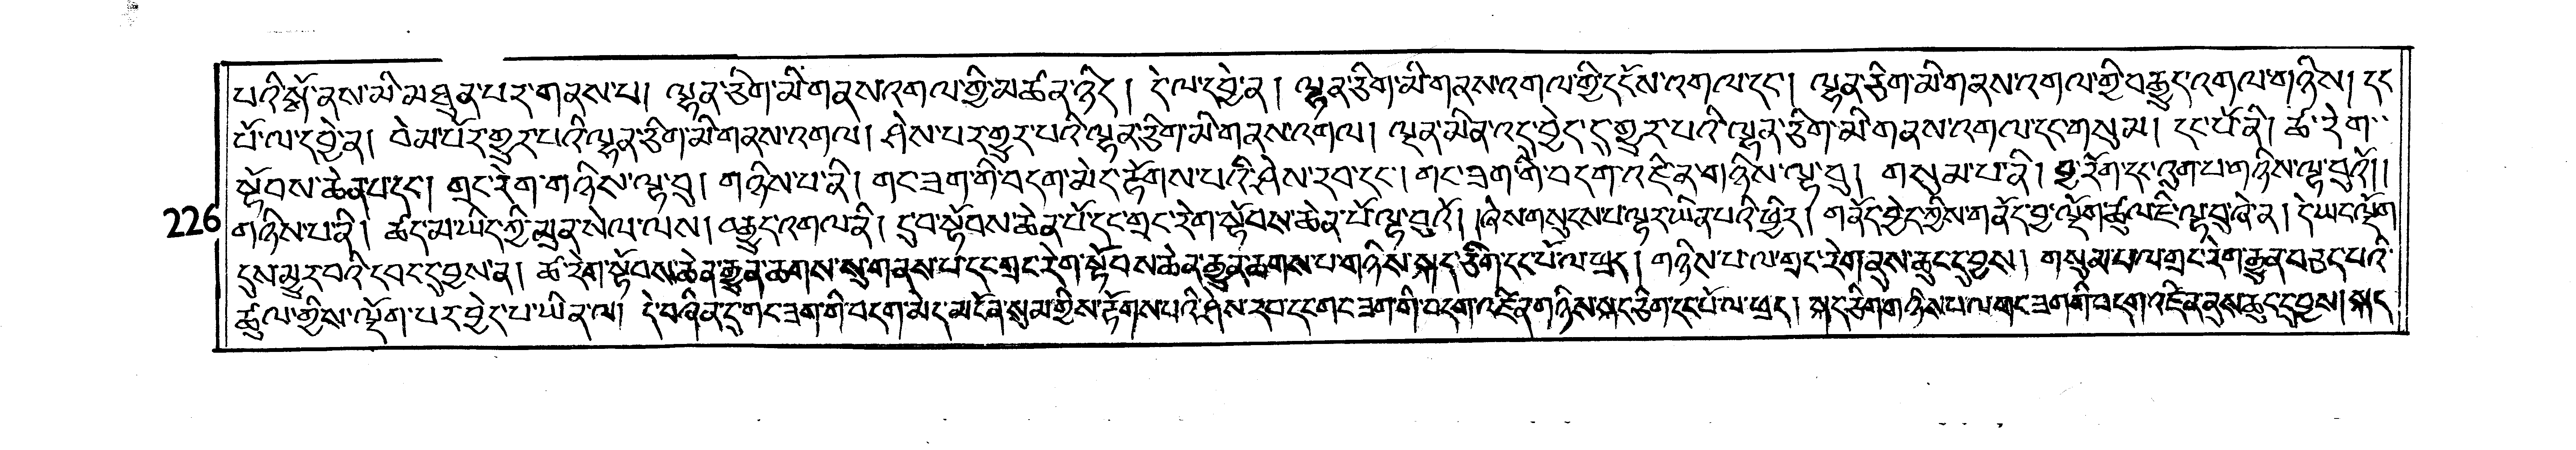པའི་སྒོ་ནས་མི་མཐུན་པར་གནས་པ། ལྷན་ཅིག་མི་གནས་འགལ་གྱི་མཚན་ཉིད། དེ་ལ་དབྱེ་ན། ལྷན་ཅིག་མི་གནས་འགལ་གྱི་དངོས་འགལ་དང་། ལྷན་ཅིག་མི་གནས་འགལ་གྱི་བརྒྱུད་འགལ་གཉིས། དང་
པོ་ལ་དབྱེ་ན། བེམ་པོར་གྱུར་པའི་ལྷན་ཅིག་མི་གནས་འགལ། ཤེས་པར་གྱུར་པའི་ལྷན་ཅིག་མི་གནས་འགལ། ལྡན་མིན་འདུ་བྱེད་དུ་གྱུར་པའི་ལྷན་ཅིག་མི་གནས་འགལ་དང་གསུམ། དང་པོ་ནི། ཚ་རེག་
སྟོབས་ཆེན་པ་དང་། གྲང་རེག་གཉིས་ལྟ་བུ། གཉིས་པ་ནི། གང་ཟག་གི་བདག་མེད་རྟོགས་པའི་ཤེས་རབ་དང་། གང་ཟག་གི་བདག་འཛིན་གཉིས་ལྟ་བུ། གསུམ་པ་ནི། བྱ་རོག་དང་འུག་པ་གཉིས་ལྟ་བུའོ། །
གཉིས་པ་ནི། ཚད་མ་ཡིད་ཀྱི་མུན་སེལ་ལས། བརྒྱུད་འགལ་ནི། དུ་བ་སྟོབས་ཆེན་པོ་དང་གྲང་རེག་སྟོབས་ཆེན་པོ་ལྟ་བུའོ། །ཞེས་གསུངས་པ་ལྟར་ཡིན་པའི་ཕྱིར། གནོད་བྱེད་ཀྱིས་གནོད་བྱ་ལྡོག་ཚུལ་ཇི་ལྟ་བུ་ཞེ་ན། དེ་ཡང་ལྡོག་
དུས་མྱུར་བའི་དབང་དུ་བྱས་ན། ཚ་རེག་སྟོབས་ཆེན་རྒྱུན་ཆགས་སུ་གནས་པ་དང་གྲང་རེག་སྟོབས་ཆེན་རྒྱུན་ཆགས་པ་གཉིས་སྐད་ཅིག་དང་པོ་ལ་ཕྲད། གཉིས་པ་ལ་གྲང་རེག་ནུས་ཆུང་དུ་བྱས། གསུམ་པ་ལ་གྲང་རེག་རྒྱུན་བཅད་པའི་
ཚུལ་གྱིས་ལྡོག་པར་བྱེད་པ་ཡིན་ལ། དེ་བཞིན་དུ་གང་ཟག་གི་བདག་མེད་མངོན་སུམ་གྱིས་རྟོགས་པའི་ཤེས་རབ་དང་གང་ཟག་གི་བདག་འཛིན་གཉིས་སྐད་ཅིག་དང་པོ་ལ་ཕྲད། སྐད་ཅིག་གཉིས་པ་ལ་གང་ཟག་གི་བདག་འཛིན་ནུས་ཆུང་དུ་བྱས། སྐད་